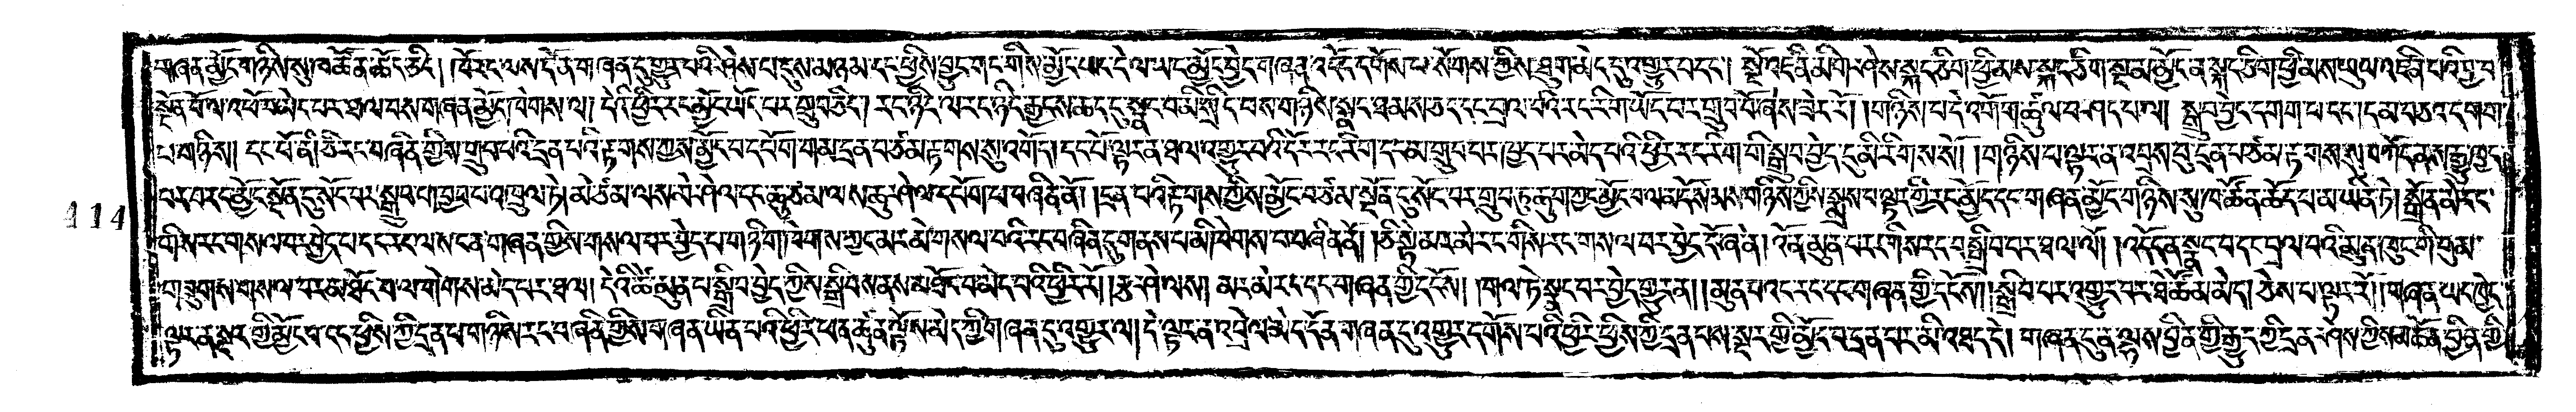གཞན་མྱོང་གཉིས་སུ་ཁ་ཚོན་ཆོད་ཅིང་། ཁོ་རང་ལས་དོན་གཞན་དུ་གྱུར་བའི་ཤེས་པ་དུས་མཉམ་དང་ཕྱིས་བྱུང་གང་གིས་མྱོང་ཡང་དེ་ལ་ཡང་མྱོང་བྱེད་གཞན་འདོད་དགོས་པ་སོགས་ཀྱིས་ཐུག་མེད་དུ་འགྱུར་བ་དང་། སྔོ་འཛིན་མིག་ཤེས་སྐད་ཅིག་ཕྱི་མས་སྐད་ཅིག་སྔ་མ་མྱོང་ན་སྐད་ཅིག་ཕྱི་མས་ཡུལ་འཛིན་པའི་བྱ་བ་
སྔོན་དེ་ལ་འཕོ་བ་མེད་པར་ཐལ་བས་གཞན་མྱོང་ཁེགས་ལ། དེའི་ཕྱིར་རང་མྱོང་ཡོད་པར་གྲུབ་ཅིང་། རང་ཉིད་ལ་རང་ཉིད་རྒྱངས་ཆད་དུ་སྣང་བ་མི་སྲིད་བས་གཉིས་སྣང་ཐམས་ཅད་དང་བྲལ་བའི་རང་རིག་ཡོད་བར་གྲུབ་པོ་ཞེས་ཟེར་རོ། །གཉིས་པ་དེ་འགོག་ཚུལ་བཤད་པ་ལ། སྒྲུབ་བྱེད་དགག་པ་དང་། དམ་བཅའ་དགག་
པ་གཉིས། དང་པོ་ནི། ཅི་རང་བཞིན་གྱིས་གྲུབ་པའི་དྲན་པའི་རྟགས་ཀྱིས་མྱོང་བ་དཔོག་གམ་དྲན་བ་ཙམ་རྟགས་སུ་འགོད། དང་པོ་ལྟར་ན་ཐལ་འགྱུར་བའི་ངོར་རང་རིག་དང་མ་གྲུབ་པར་ཁྱད་པར་མེད་པའི་ཕྱིར་རང་རིག་གི་སྒྲུབ་བྱེད་དུ་མི་རིགས་སོ། །གཉིས་པ་ལྟར་ན་འབྲས་བུ་དྲན་པ་ཙམ་རྟགས་སུ་བཀོད་ནས་རྒྱུ་ཁྱད་
པར་?་རང་མྱོང་སྔོན་དུ་སོང་བར་སྒྲུབ་པ་ཁྱབ་པ་འཁྲུལ་ཏེ། མེ་ཙམ་ལས་མེ་ཤེལ་དང་ཆུ་ཙམ་ལས་ཆུ་ཤེལ་དཔོག་པ་བཞིན་ནོ། །དྲན་བའི་རྟགས་ཀྱིས་མྱོང་བ་ཙམ་སྔོན་དུ་སོང་བར་གྲུབ་ཏུ་ཆུག་ཀྱང་མྱོང་བ་ལ་མདོ་སེམས་གཉིས་ཀྱིས་སྨྲས་བ་ལྟར་གྱི་རང་མྱོང་དང་གཞན་མྱོང་གཉིས་སུ་ཁ་ཚོན་ཆོད་པ་མ་ཡིན་ཏེ། སྒྲོན་མེ་རང་
གིས་རང་གསལ་བར་བྱེད་པ་དང་རང་ལས་དན་གཞན་གྱིས་གསལ་བར་བྱེད་པ་གཉི་ག་ཁེགས་ཀྱང་མར་མེ་གསལ་བའི་རང་བཞིན་དུ་གནས་པ་མི་ཁེགས་པ་བཞིན་ནོ། །ཅི་སྟེ་མར་མེ་རང་གིས་རང་གསལ་བར་བྱེད་དོ་ཞེ་ན། འོ་ན་མུན་བ་རང་གིས་རང་བསྒྲིབ་བར་ཐལ་ལོ། །འདོད་ན་སྣང་བ་དང་བྲལ་བའི་མུན་ཁུང་གི་བུམ་
གཟུགས་གསལ་བར་མཐོང་བ་ལ་གེགས་མེད་པར་ཐལ། དེའི་ཚེ་མུན་པ་སྒྲིབ་བྱེད་ཀྱིས་སྒྲིབས་ནས་མཐོང་བ་མེད་པའི་ཕྱིར་རོ། །རྩ་ཤེ་ལས། མར་མེ་རང་དང་གཞན་གྱི་དངོས། །གལ་ཏེ་སྣང་བར་བྱེད་གྱུར་ན། །མུན་བའང་རང་དང་གཞན་གྱི་དངོས། །སྒྲིབ་པར་འགྱུར་བར་ཐེ་ཚོམ་མེད། ཅེས་པ་ལྟར་རོ། །གཞན་ཡང་བྱེད་
ལྟར་ན་སྔར་གྱི་མྱོང་བ་དང་ཕྱིས་ཀྱི་དྲན་པ་གཉིས་རང་བཞིན་གྱིས་གཞན་ཡིན་པའི་ཕྱིར་ཕན་ཚུན་ལྟོས་མེད་ཀྱི་གཞན་དུ་འགྱུར་ལ། དེ་ལྟར་ན་འབྲེལ་མེད་དོན་གཞན་དུ་འགྱུར་དགོས་པའི་ཕྱིར་ཕྱིས་ཀྱི་དྲན་བས་སྔར་གྱི་མྱོང་བ་དྲན་པར་མི་འཐད་དེ། གཞན་དུ་ན་ལྷས་བྱིན་གྱི་རྒྱུད་ཀྱི་དྲན་ཤེས་ཀྱིས་མཆོད་བྱིན་གྱི་